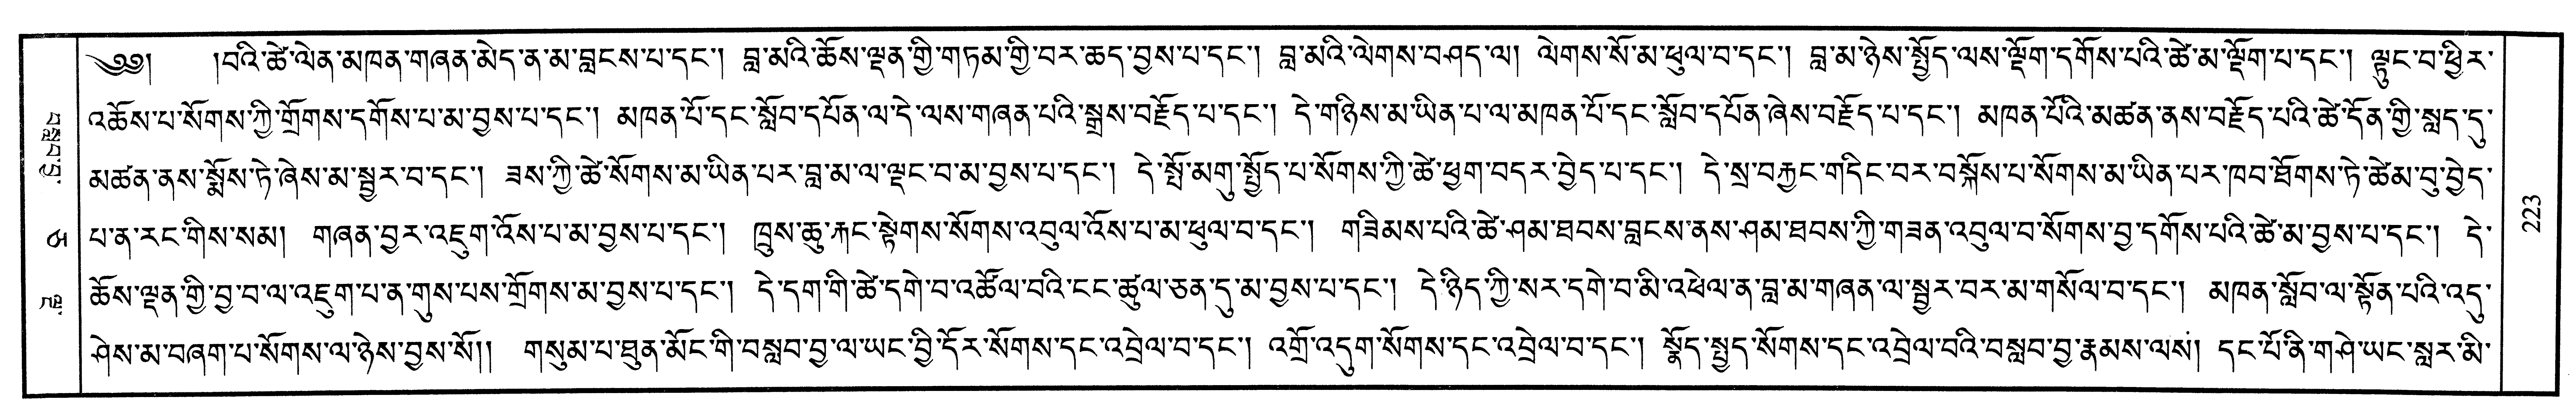༄༅། །བའི་ཚེ་ལེན་མཁན་གཞན་མེད་ན་མ་བླངས་པ་དང་། བླ་མའི་ཆོས་ལྡན་གྱི་གཏམ་གྱི་བར་ཆད་བྱས་པ་དང་། བླ་མའི་ལེགས་བཤད་ལ། ལེགས་སོ་མ་ཕུལ་བ་དང་། བླ་མ་ཉེས་སྤྱོད་ལས་ལྡོག་དགོས་པའི་ཚེ་མ་ལྡོག་པ་དང་། ལྟུང་བ་ཕྱིར་
འཆོས་པ་སོགས་ཀྱི་གྲོགས་དགོས་པ་མ་བྱས་པ་དང་། མཁན་པོ་དང་སློབ་དཔོན་ལ་དེ་ལས་གཞན་པའི་སྒྲས་བརྗོད་པ་དང་། དེ་གཉིས་མ་ཡིན་པ་ལ་མཁན་པོ་དང་སློབ་དཔོན་ཞེས་བརྗོད་པ་དང་། མཁན་པོའི་མཚན་ནས་བརྗོད་པའི་ཚེ་དོན་གྱི་སླད་དུ་
མཚན་ནས་སྨོས་ཏེ་ཞེས་མ་སྦྱར་བ་དང་། ཟས་ཀྱི་ཚེ་སོགས་མ་ཡིན་པར་བླ་མ་ལ་ལྡང་བ་མ་བྱས་པ་དང་། དེ་སྤོ་མགུ་སྤྱོད་པ་སོགས་ཀྱི་ཚེ་ཕྱག་བདར་བྱེད་པ་དང་། དེ་སྲ་བརྐྱང་གདིང་བར་བསྐོས་པ་སོགས་མ་ཡིན་པར་ཁབ་ཐོགས་ཏེ་ཚེམ་བུ་བྱེད་
པ་ན་རང་གིས་སམ། གཞན་བྱར་འཇུག་འོས་པ་མ་བྱས་པ་དང་། ཁྲུས་ཆུ་རྐང་སྟེགས་སོགས་འབུལ་འོས་པ་མ་ཕུལ་བ་དང་། གཟིམས་པའི་ཚེ་ཤམ་ཐབས་བླངས་ནས་ཤམ་ཐབས་ཀྱི་གཟན་འབུལ་བ་སོགས་བྱ་དགོས་པའི་ཚེ་མ་བྱས་པ་དང་། དེ་
ཆོས་ལྡན་གྱི་བྱ་བ་ལ་འཇུག་པ་ན་གུས་པ་གྲོགས་མ་བྱས་པ་དང་། དེ་དག་གི་ཚེ་དགེ་བ་འཚོལ་བའི་ངང་ཚུལ་ཅན་དུ་མ་བྱས་པ་དང་། དེ་ཉིད་ཀྱི་སར་དགེ་བ་མི་འཕེལ་ན་བླ་མ་གཞན་ལ་སྦྱར་བར་མ་གསོལ་བ་དང་། མཁན་སློབ་ལ་སྟོན་པའི་འདུ་
ཤེས་མ་བཞག་པ་སོགས་ལ་ཉེས་བྱས་སོ།། གསུམ་པ་ཐུན་མོང་གི་བསླབ་བྱ་ལ་ཡང་བྱི་དོར་སོགས་དང་འབྲེལ་བ་དང་། འགྲོ་འདུག་སོགས་དང་འབྲེལ་བ་དང་། སྣོད་སྤྱད་སོགས་དང་འབྲེལ་བའི་བསླབ་བྱ་རྣམས་ལས། དང་པོ་ནི་གཤེ་ཡང་སླར་མི་